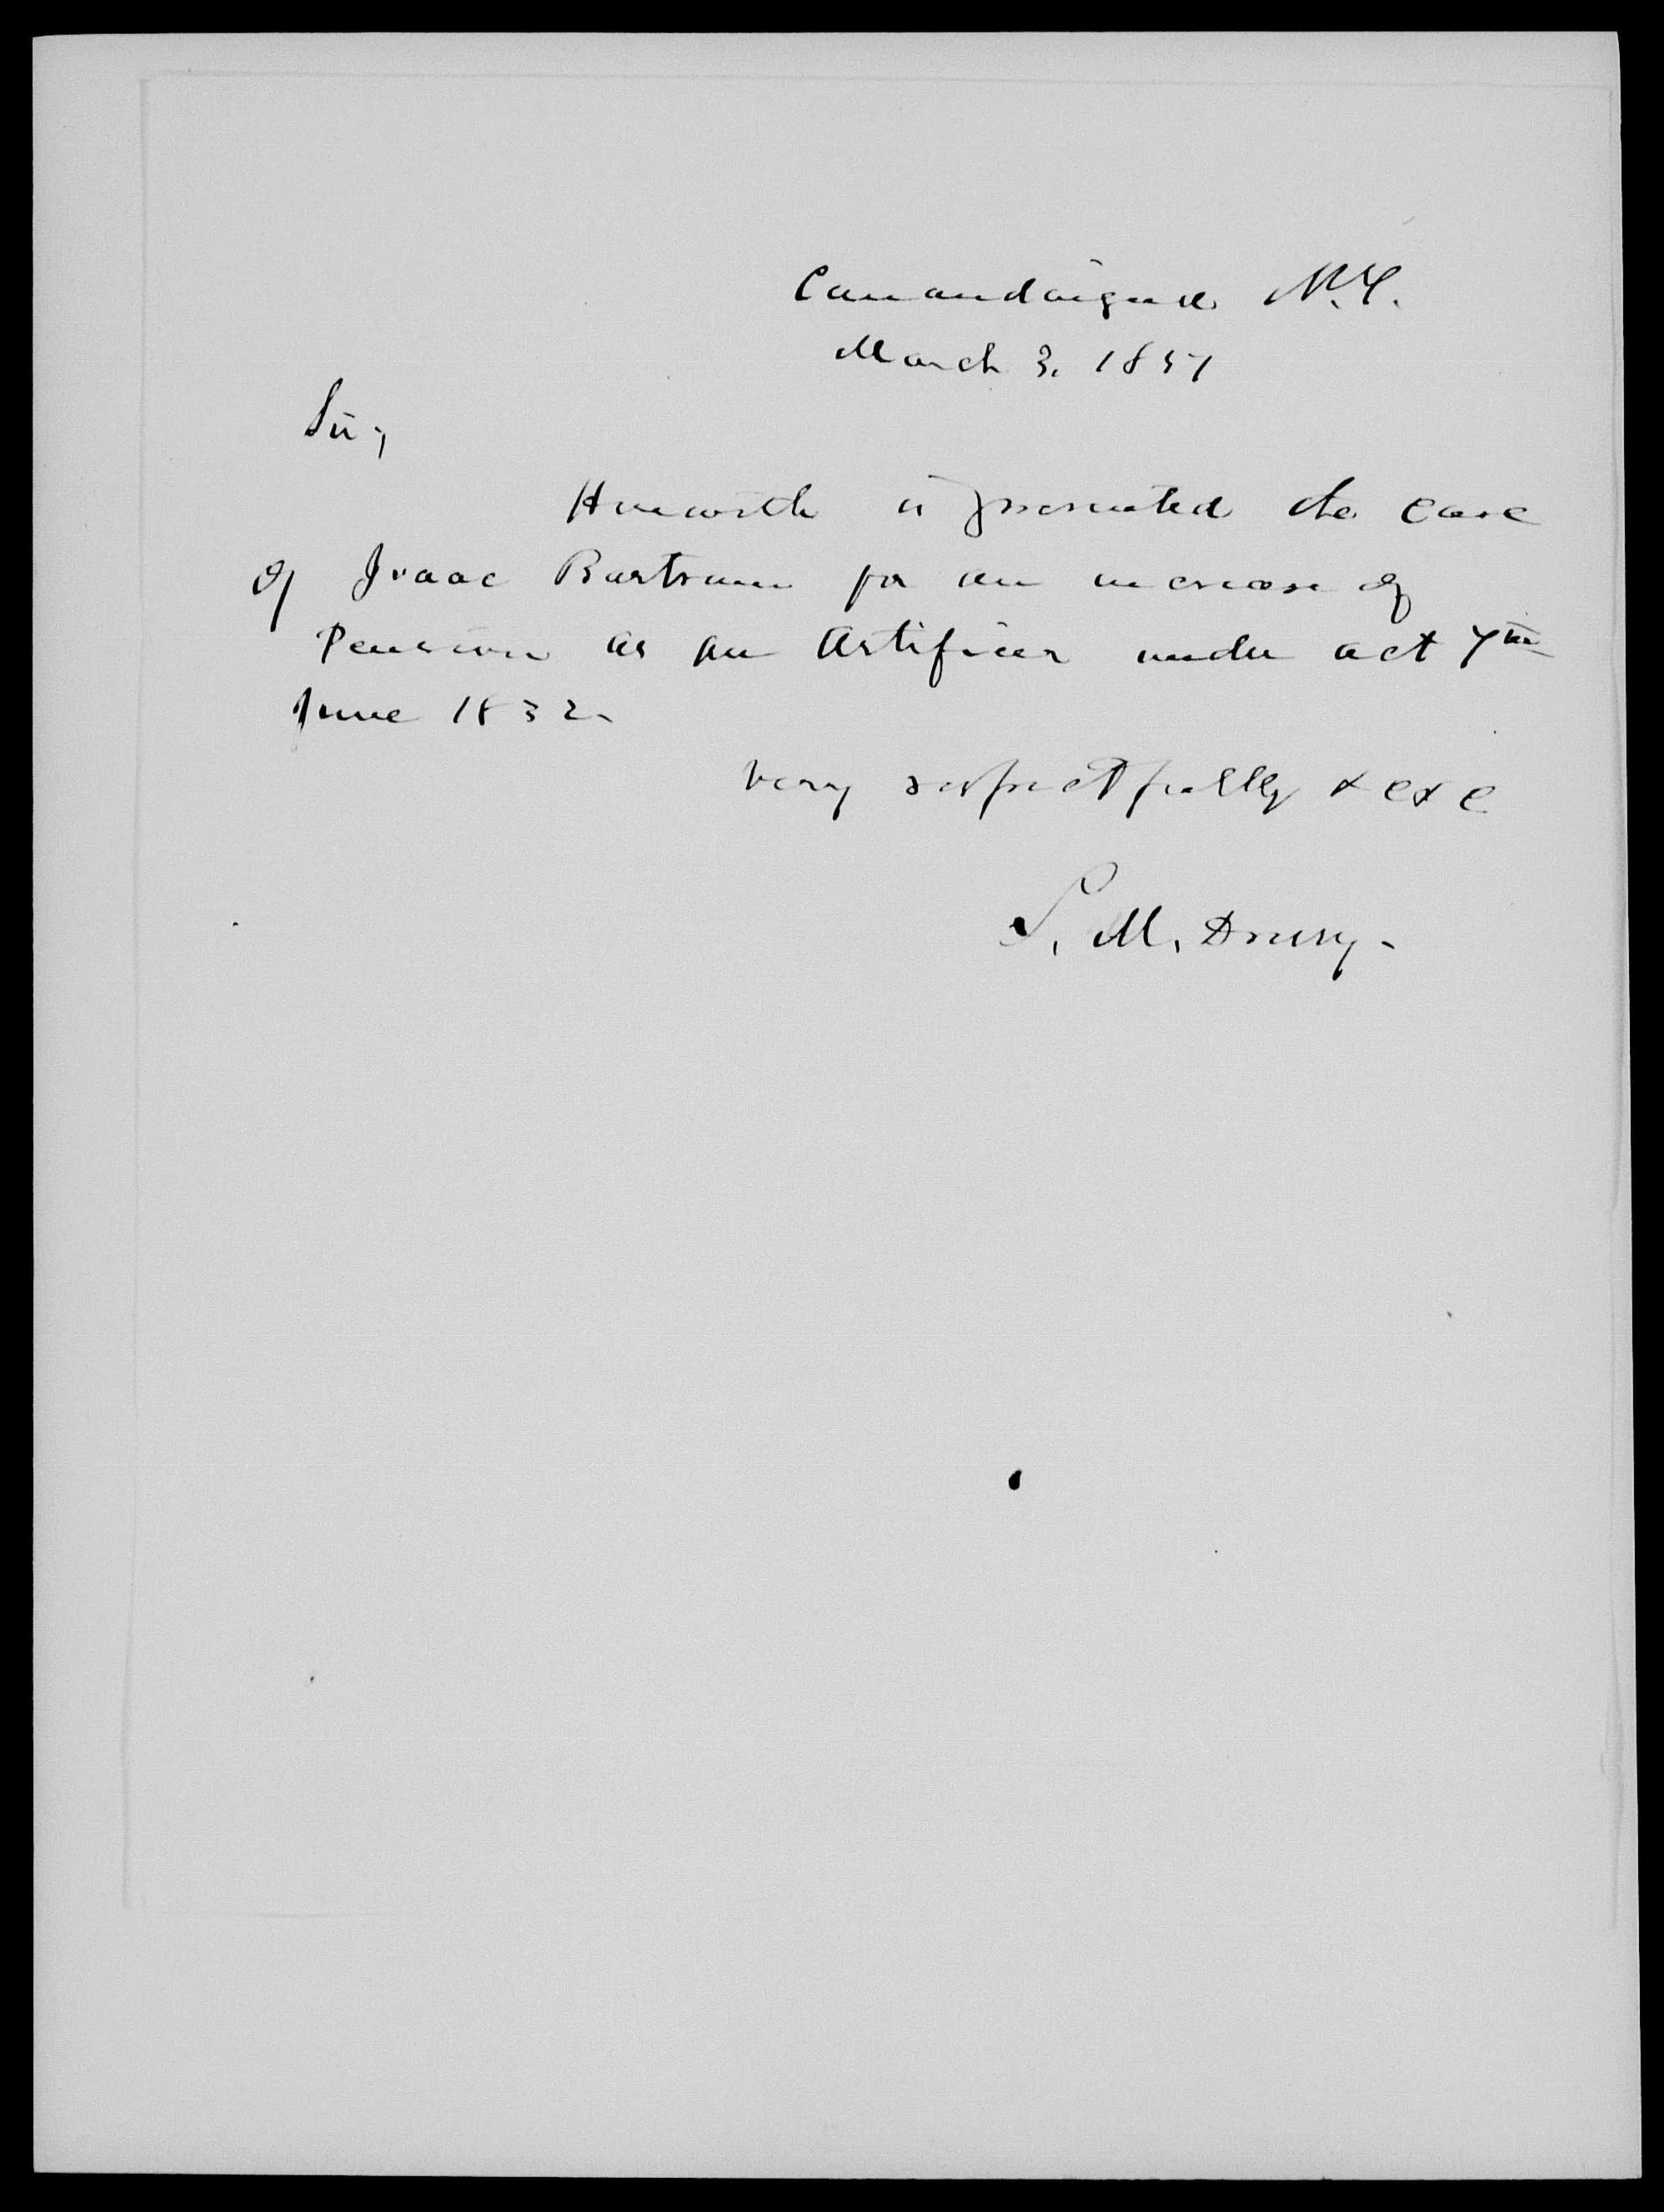Canandaigua NY
March 3, 1857
Sir
Herewith is presented the case
of Isaac Bartrum for an increase of
Pension as an Artificer under act 7th
June 1832
very respectfully & exe
S. M. Drury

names: S M Drury, Isaac Bartrum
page: 28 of 39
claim: survivor's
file: S. 12110, Isaac Bartram, Continental (Conn)